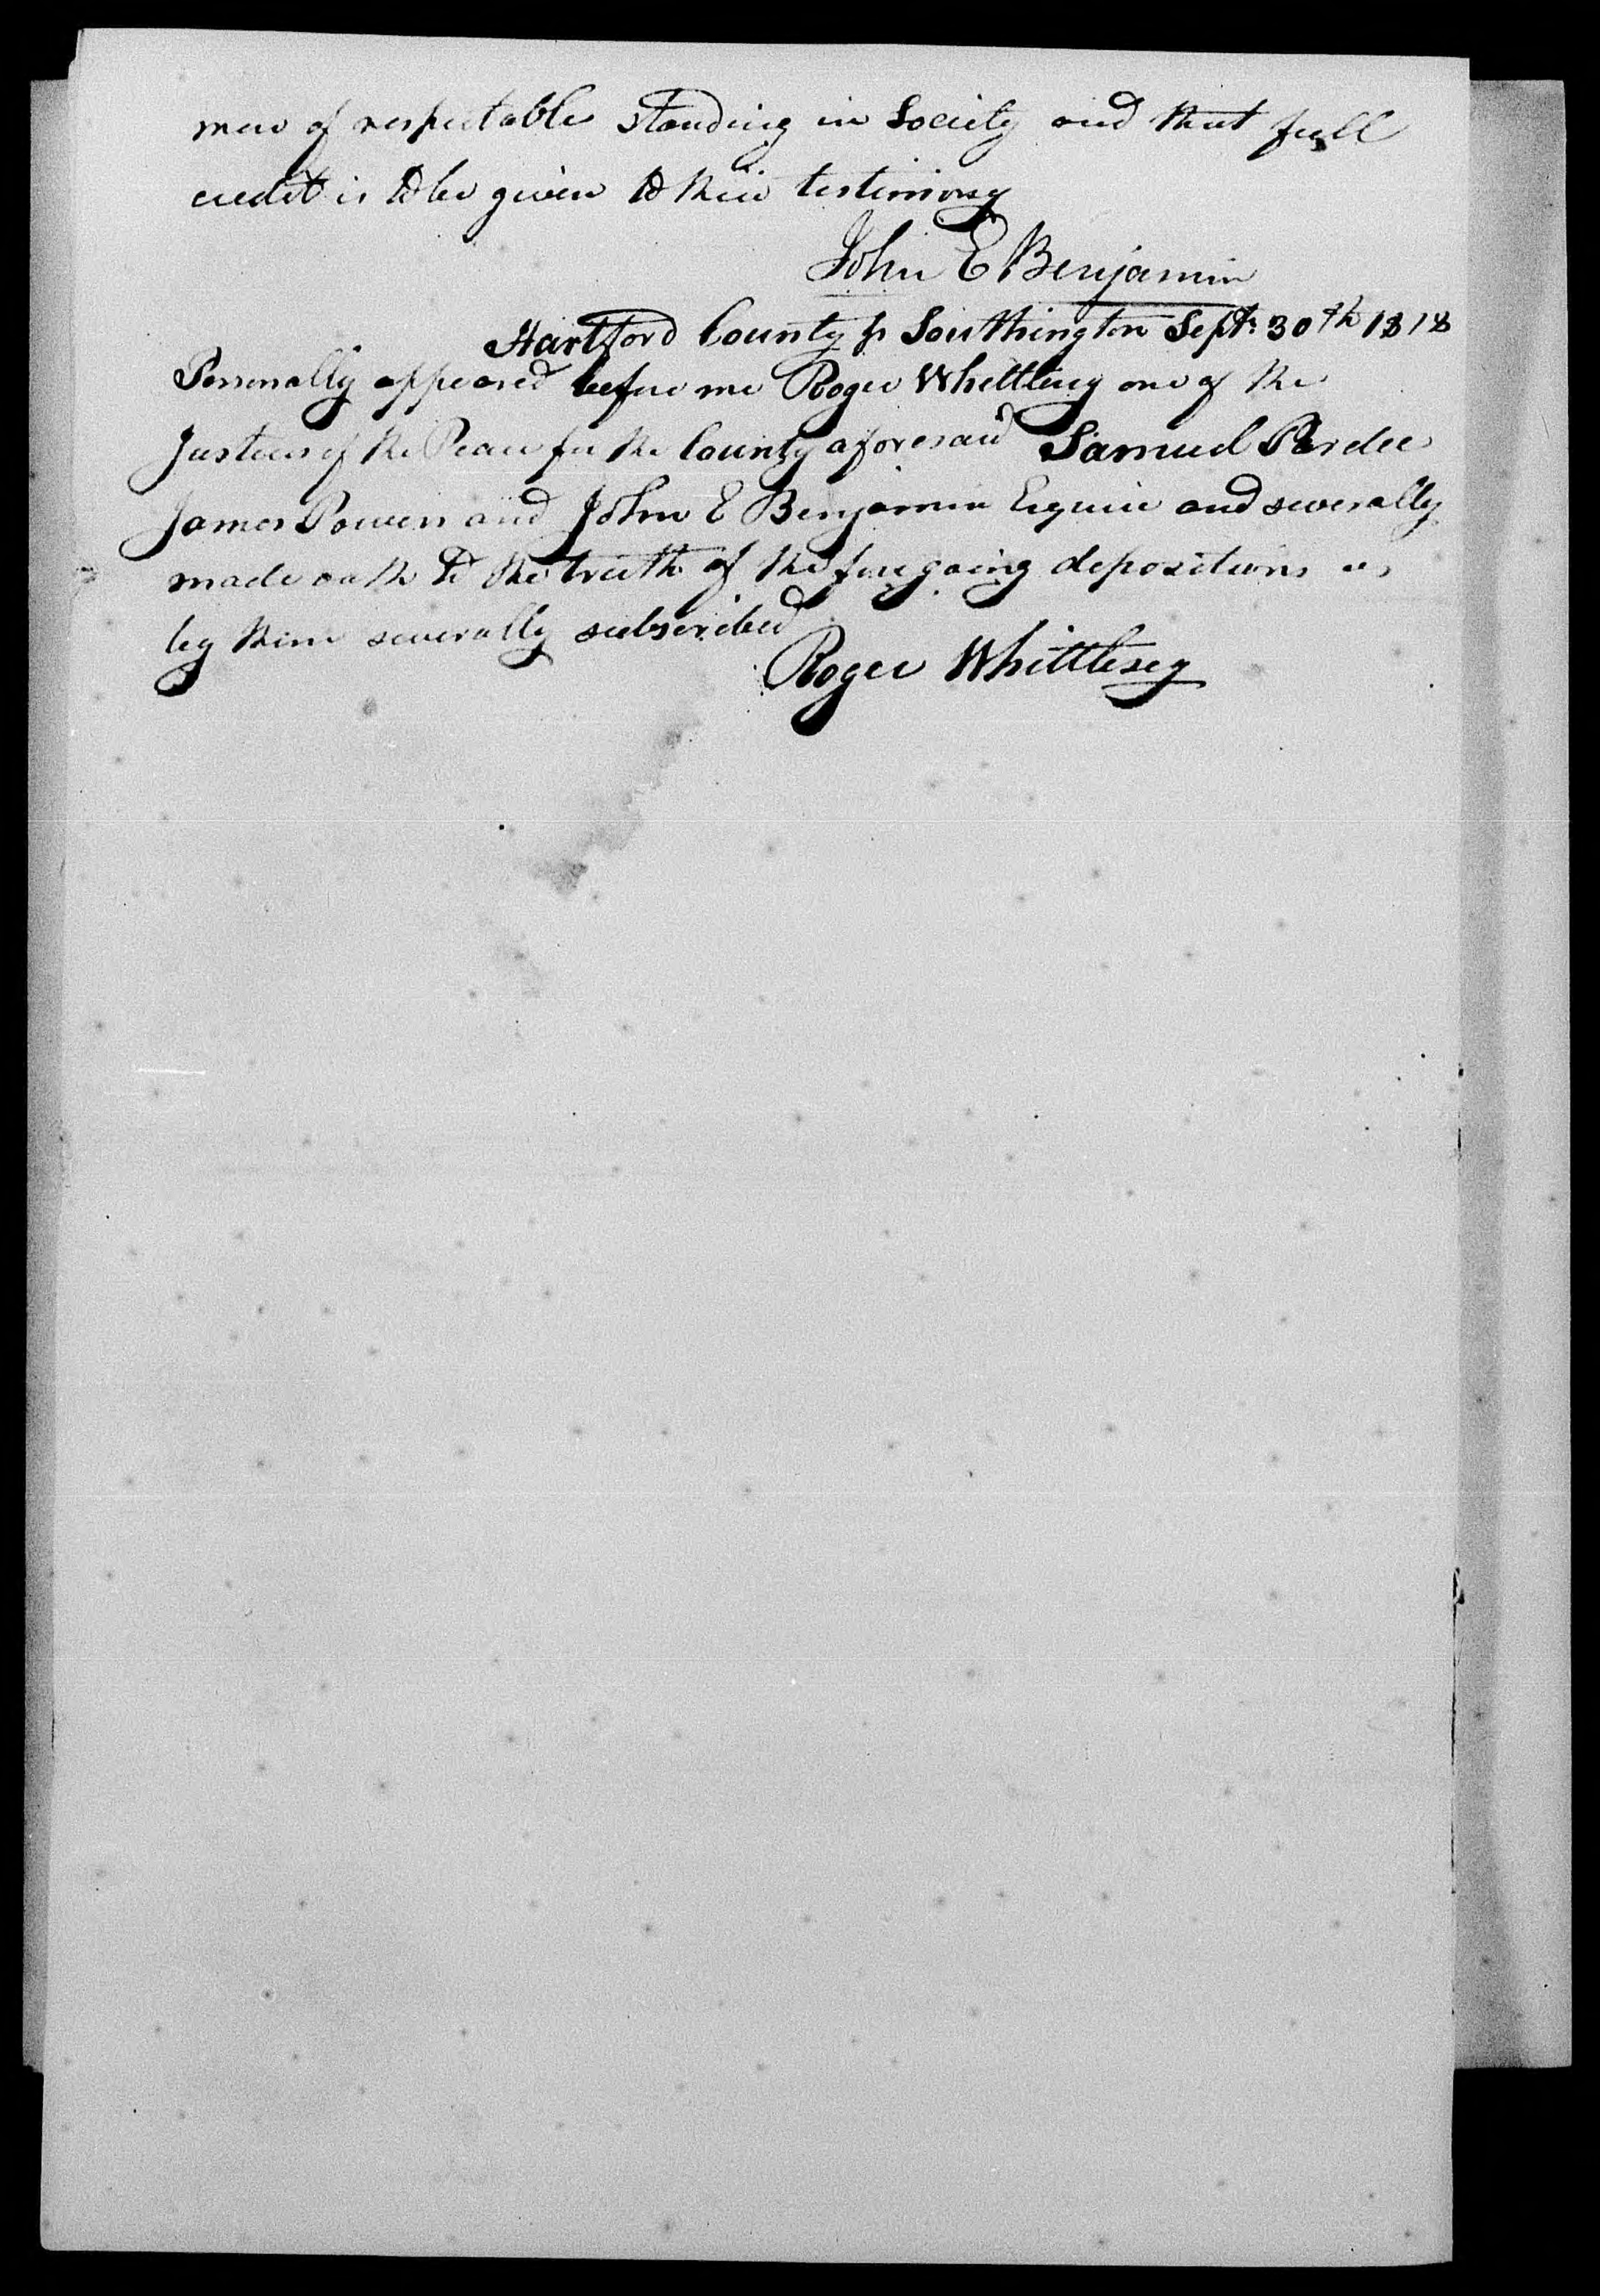man of respectable standing in society and that full credit is to be given to their testimony

John E Benjamin

Hartford County ss Southington Sept. 30th 1818
Personally appeared before me Roger Whittlesey one of the Justices of the Peace for the County aforesaid Samuel Pardee James Power and John E Benjamin Esquire and severally made oath to the truth of the foregoing depositions as by them severally subscribed

Roger Whittlesey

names: James Powers; John E Benjamin; Roger Whittlesey; Samuel Pardee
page: 8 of 9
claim: survivor's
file: S. 36190, for Mark Newell, Connecticut